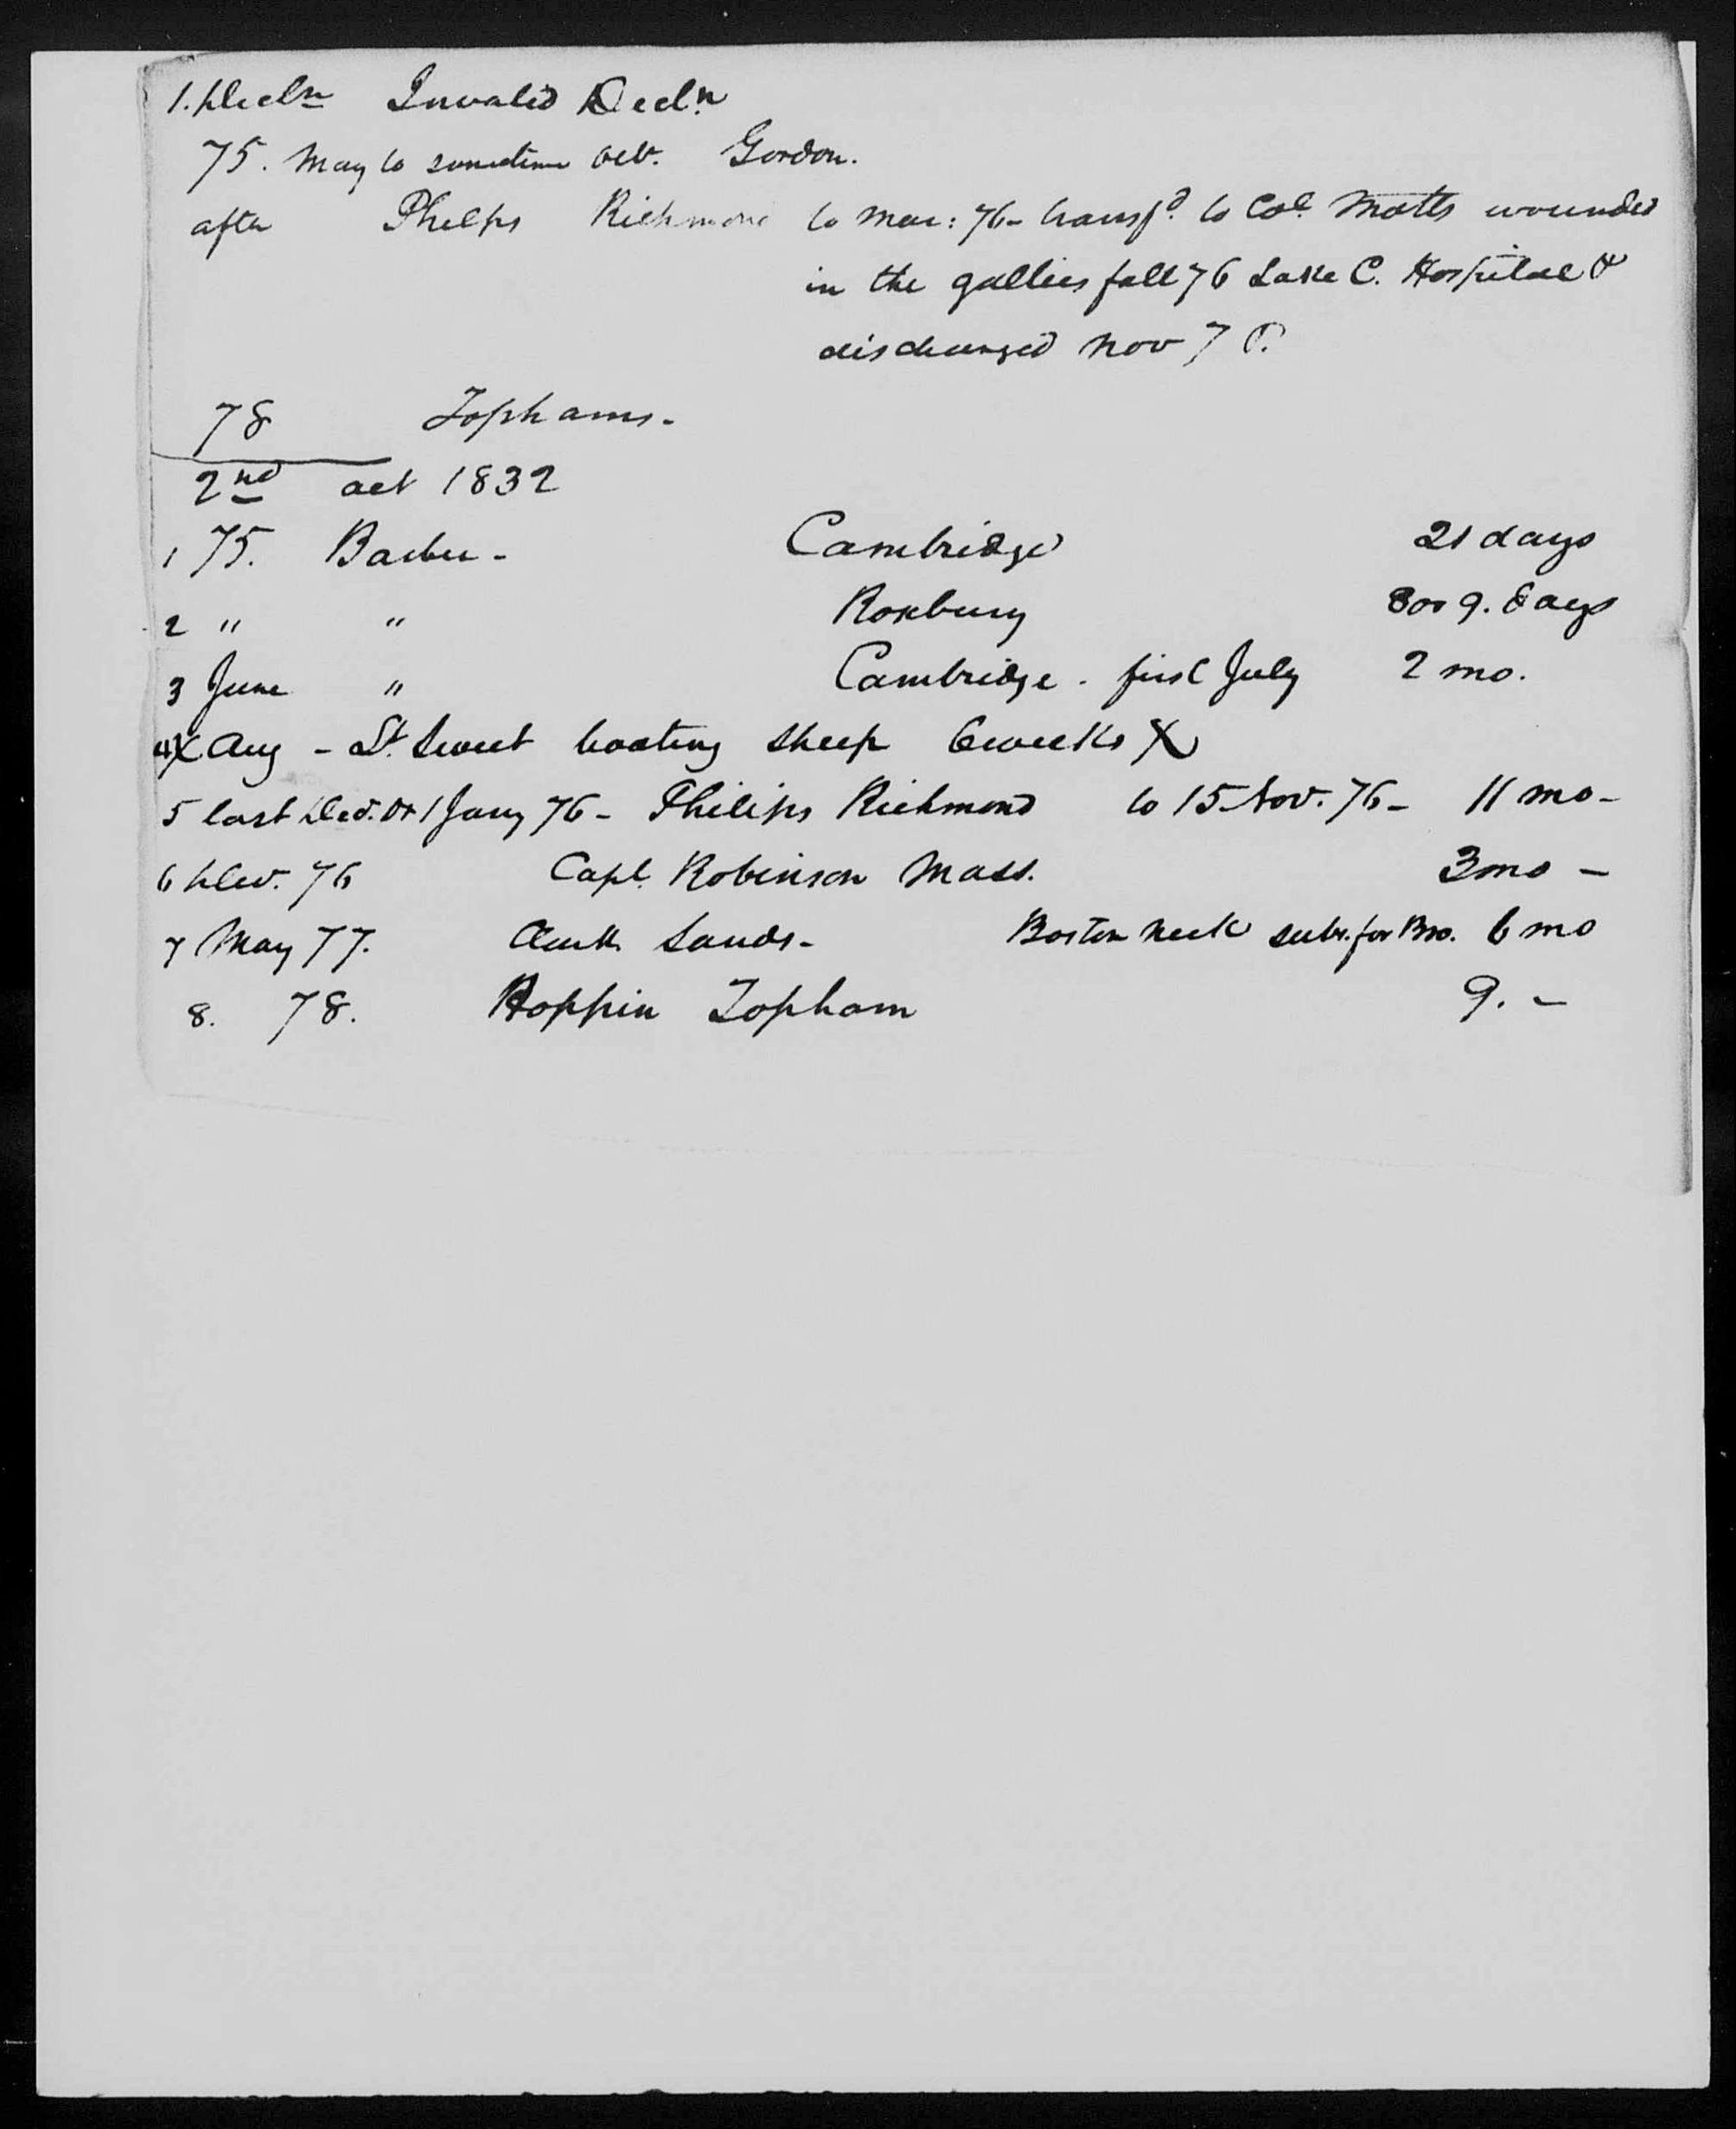1. Ded Invalid Ded
75 May to sometime Oct. Gordon.
after Phelps Richmond to Mar: 76 transf to Col. Motts wounded in the gallies fall 76 Lake C. Hospital discharged Nov 7 
78 Tophams
2nd act 1832 
1 75 Baches - Cambridge 21 days
2 "     " Roxbury 8 or 9 days
3 June " Cambridge - first July 2 mo.
4 Aug - St. Sweet boating sheep Giselle
5 last Ded, 1 Jany 76 - Philips Richmond to 15 Nov. 76 - 11 mo-
6 Dev. 76 Capt Robinson Mass. 3 mo -
7 May 77. Auth Sands - Boston Neck Subs. for 13 mo. 6 mo
8 78 Hoppin Topham 9 - [months]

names: Gordon, Barber, Phelps, Cambridge, Topham, Richmond, Philips, Roxbury, Motts, Hoppin, Sands, Cambridge, Richmond, Robinson, Topham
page: 99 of 100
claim: survivor's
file: S 19186, James Austin, Conn. New York R.I.